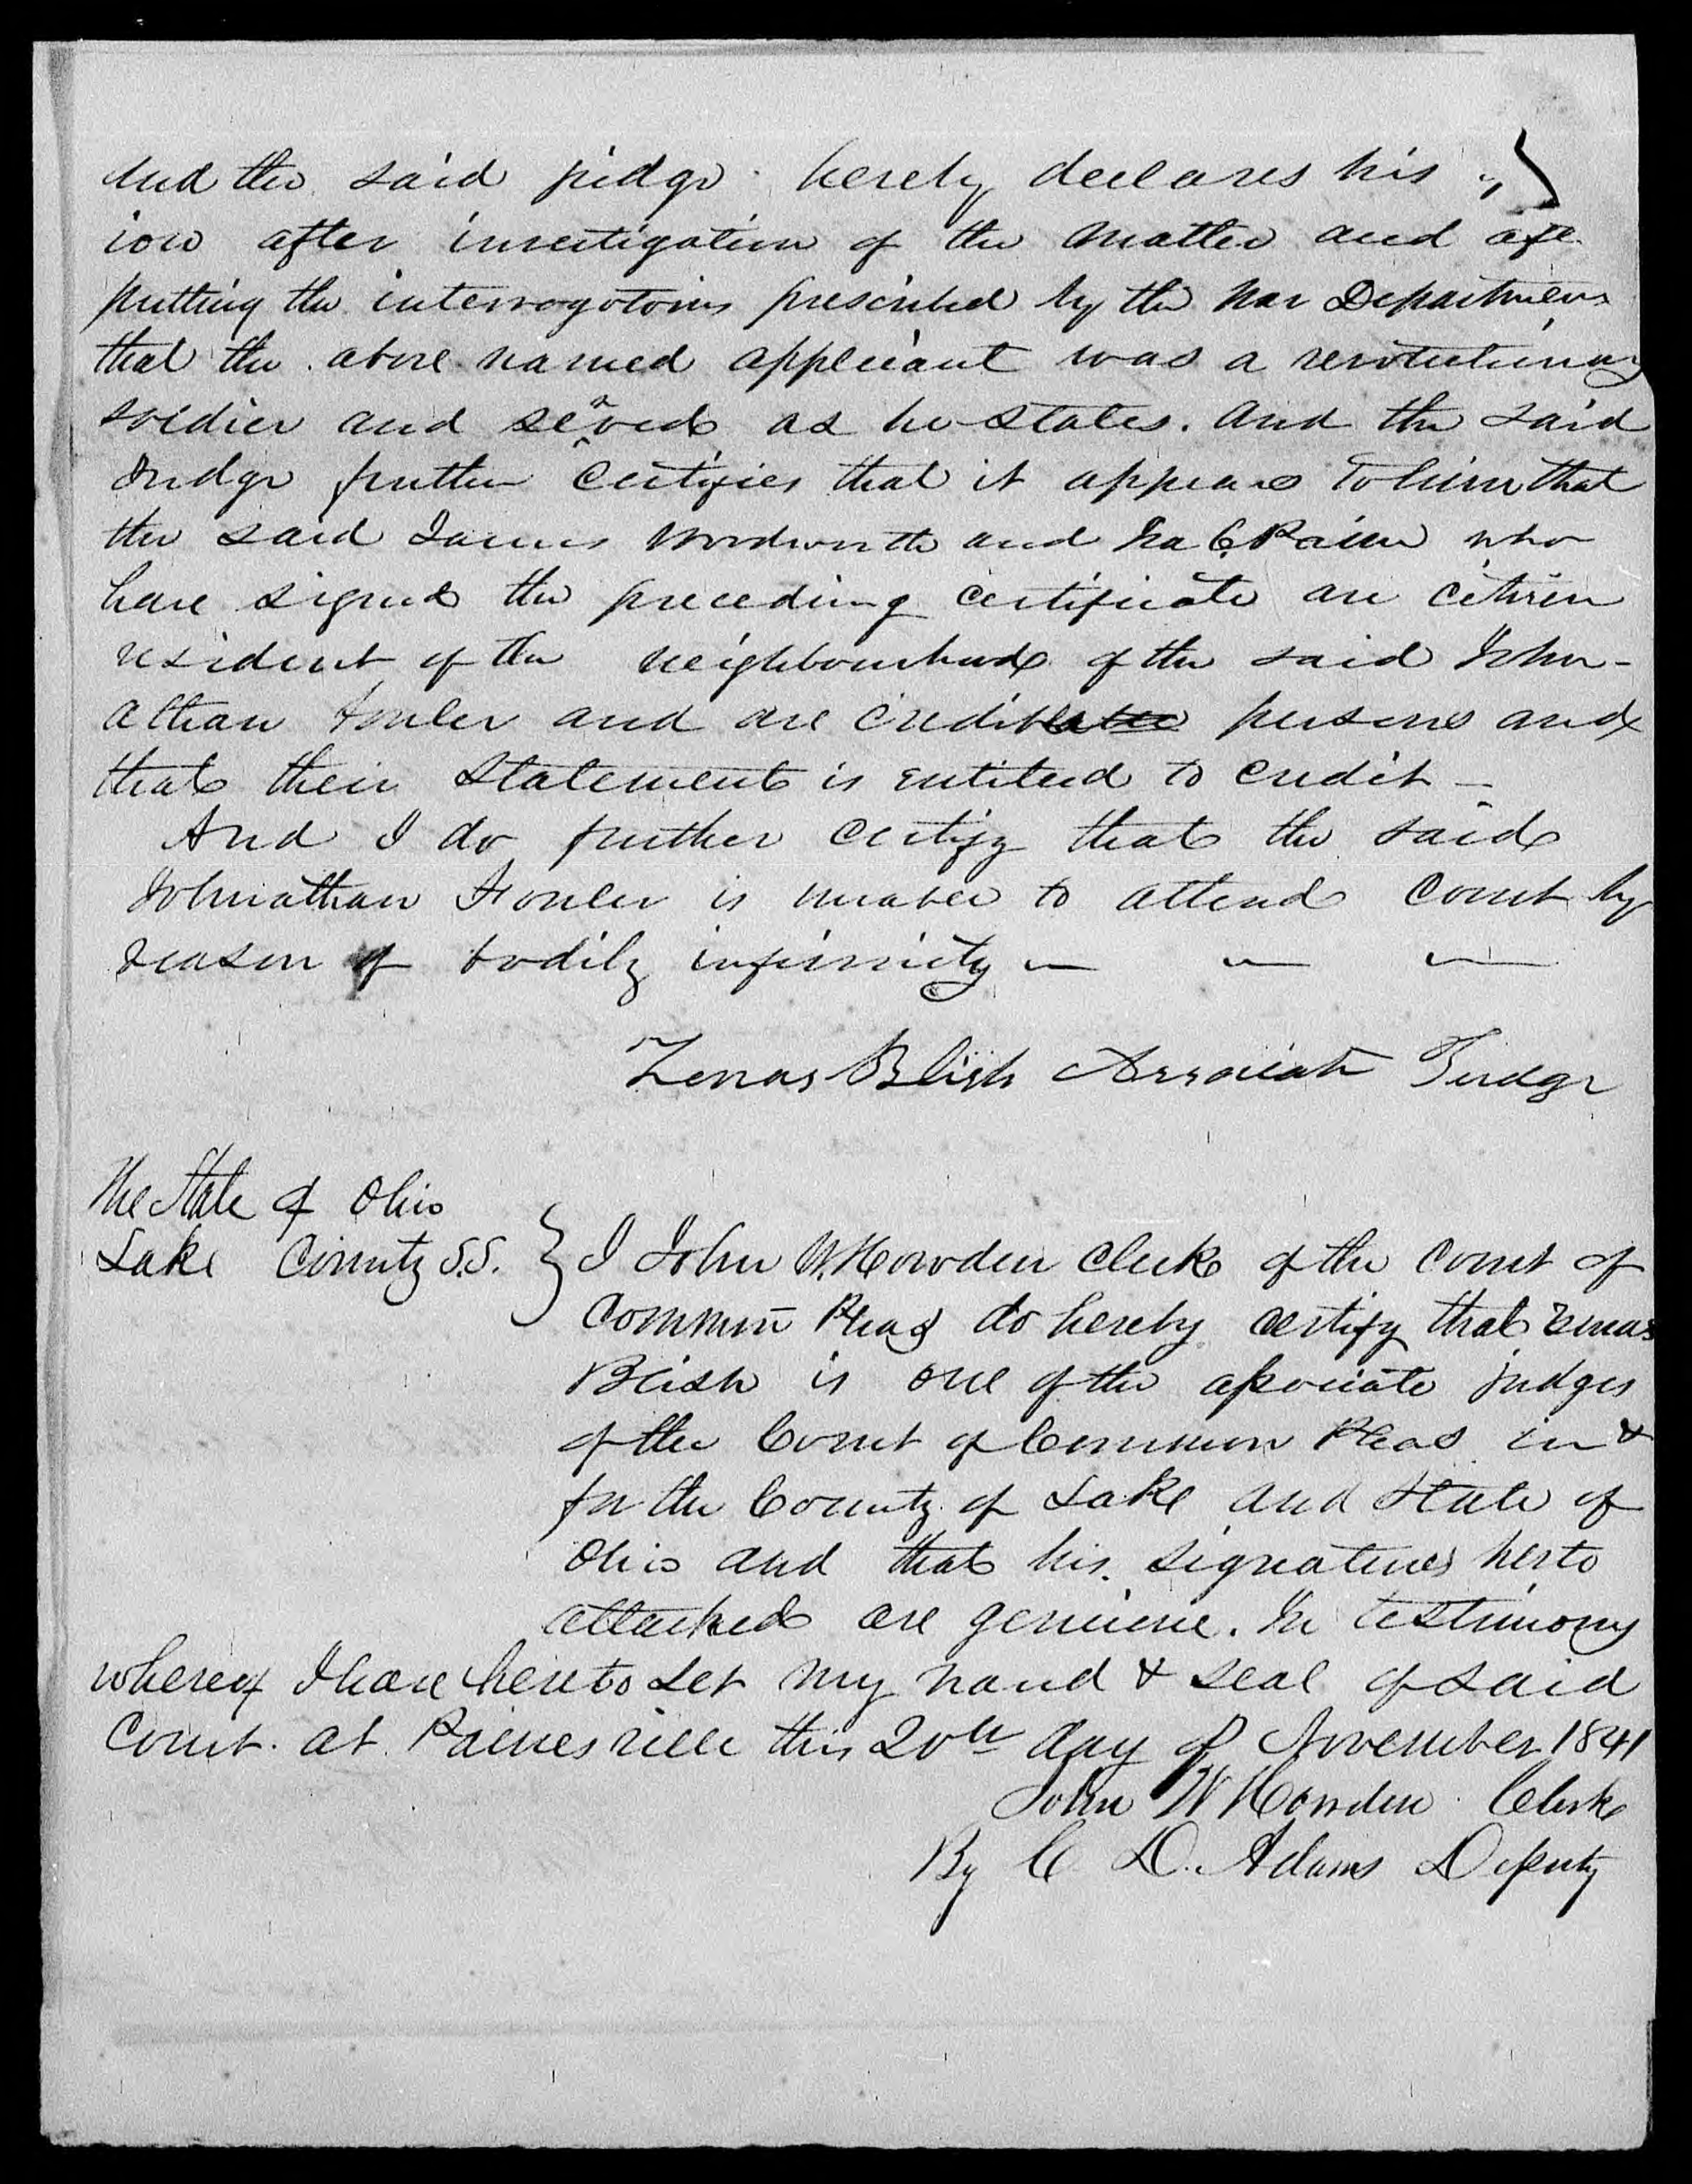and the said judge hereby declares his [illegible] after investigation of the matter and [illegible] putting the interrogatories prescribed by the War Department that the above named applicant was a revolutionary soldier and served as he states. And the said Judge further certifies that it appears to him that the said James Woodworth and Jue C. Paine who have signed the preceding certificate are citizen resident of the neighbourhood of the said Johnathan Fowler and are credible persons and that their statement is entitled to credit.
And I do further certify that the said Johnathan Fowler is unable to attend court by reason of bodily infirmity.
Zenas Blish Associate Judge

The State of Ohio, Lake County S.S.
I John W. Howden Clerk of the Court of Common Pleas do hereby certify that Zenas Blish is one of the associate judges of the Court of Common Pleas in & for the county of Lake and state of Ohio and that his signature herto attached are genuine. In testimony whereof I have hereto set my hand & seal of said Court at Painsville this 20th day of November 1841.
John W. Howden Clerk
By C.D. Adams Deputy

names: John W Howden, C D Adams, Johnathan Fowler, Zenas Blish, John W Howden, James Woodworth, Johnathan Fowler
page: 7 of 44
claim: survivor's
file: S. 23639, Jonathan Fowler, New York